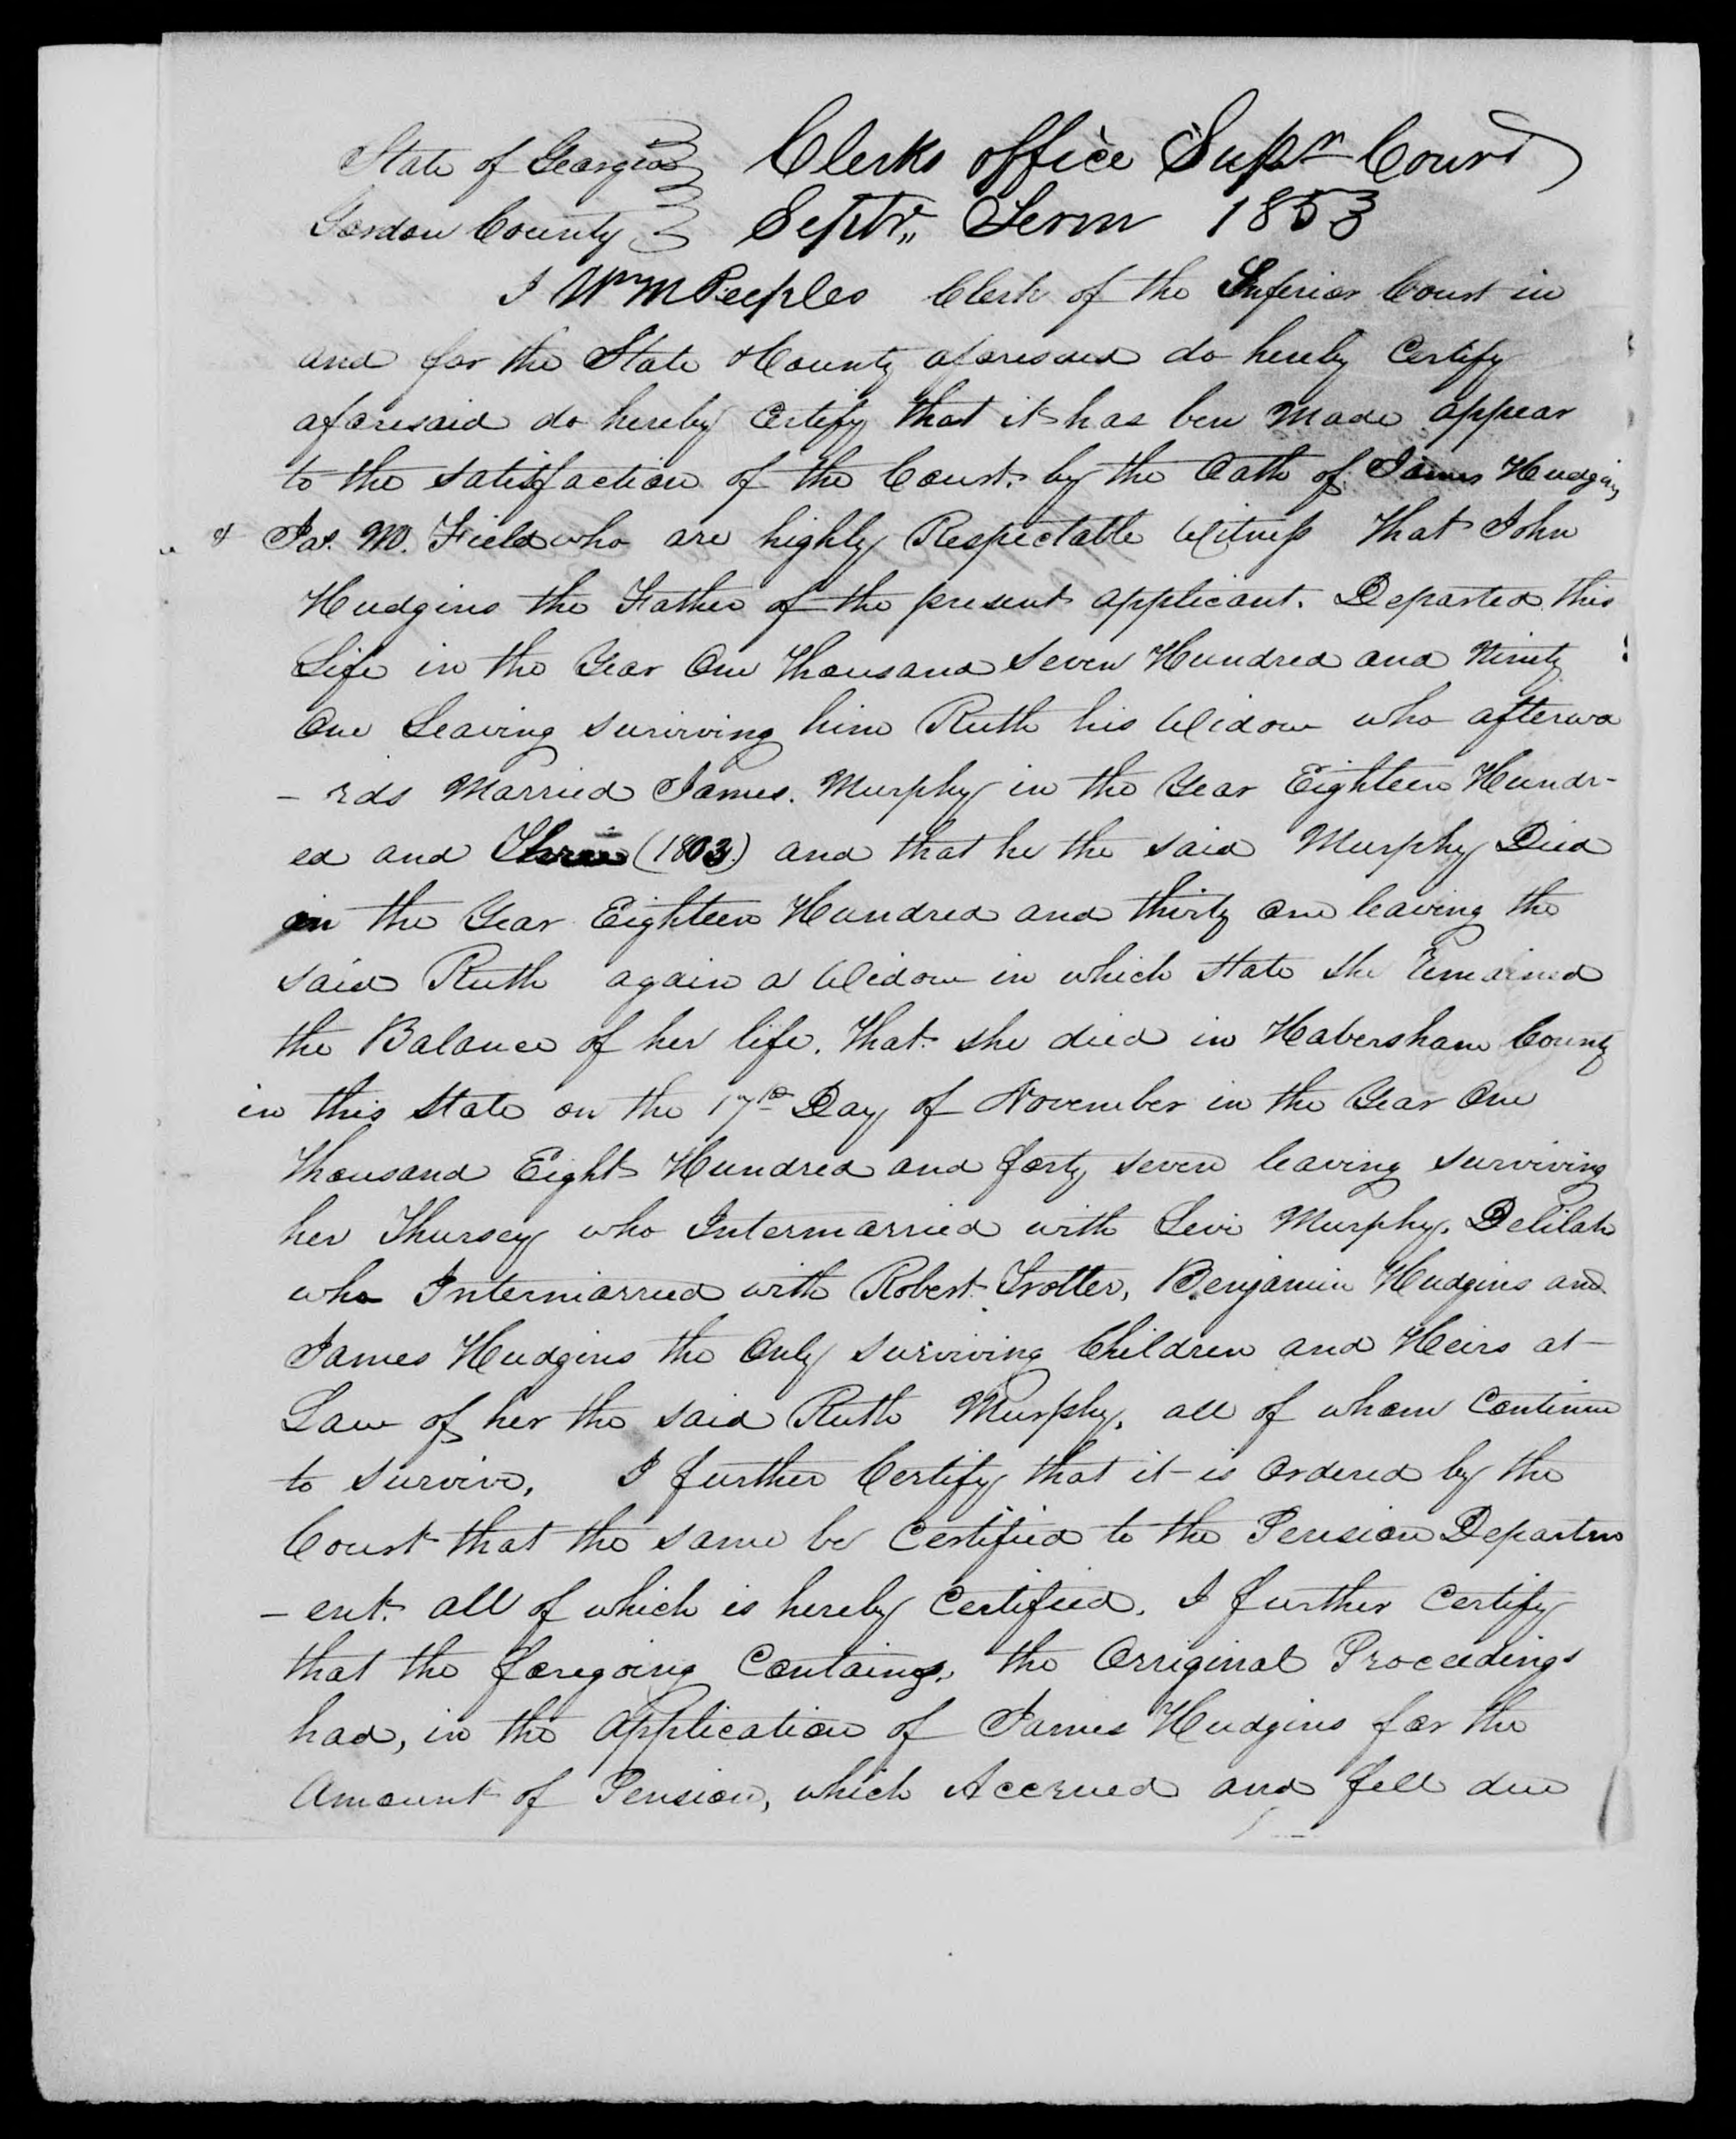State of Georgia   Clerks office Sup Court
Londou County    September eleven 1853
WM Peeples Clerk of the Superior Court in and for the State & County aforesaid do hereby certify aforesaid do hereby certify that it has been made apparant to the satisfaction of the Court by the oath of James Hudgins, &Jas M  Fields who are highly respectable witness that John Hudgins the father of the present applicant, departed this life in the year One Thousand Seven hundred and Ninety one leaving surviving him Ruth his widow who afterwards married James Murphy in the year eighteen  hundred and three (1803) and that he the said Murphy died in the year eighteen hundred and thirty one leaving the said Ruth again a widow in which state she resided the balance of her life. That she died in Habershaw County in this state on the 17th day of November in the year one thousand eight hundred and forty seven leaving surviving her Thusley who intermarried with Levi Murphy, Delilah who intermarried with Robert Trotter, Benjamin Hudgins and James Hudgins the only surviving children and heirs at law of her thus said. Ruth Murphy, all of whom continue to survive.  I further certify that it is ordered by the court that the same be certified to the Pension Department all of which is hereby certified. I further certify that the foregoing containg the orriginal Proceedings had, in the application of James Hudgins for the amount of Pension, which accrued and fell due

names: Delilah, Jas M Field, Benjamin Hudgins, Ruth Murphy, Levi Murphy, Robert Trotter, James Murphy, John Hudgins, Wm M Peeples, James Hudgins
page: 4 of 108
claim: rejected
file: R. 7,515, John Hudgins, N.C.